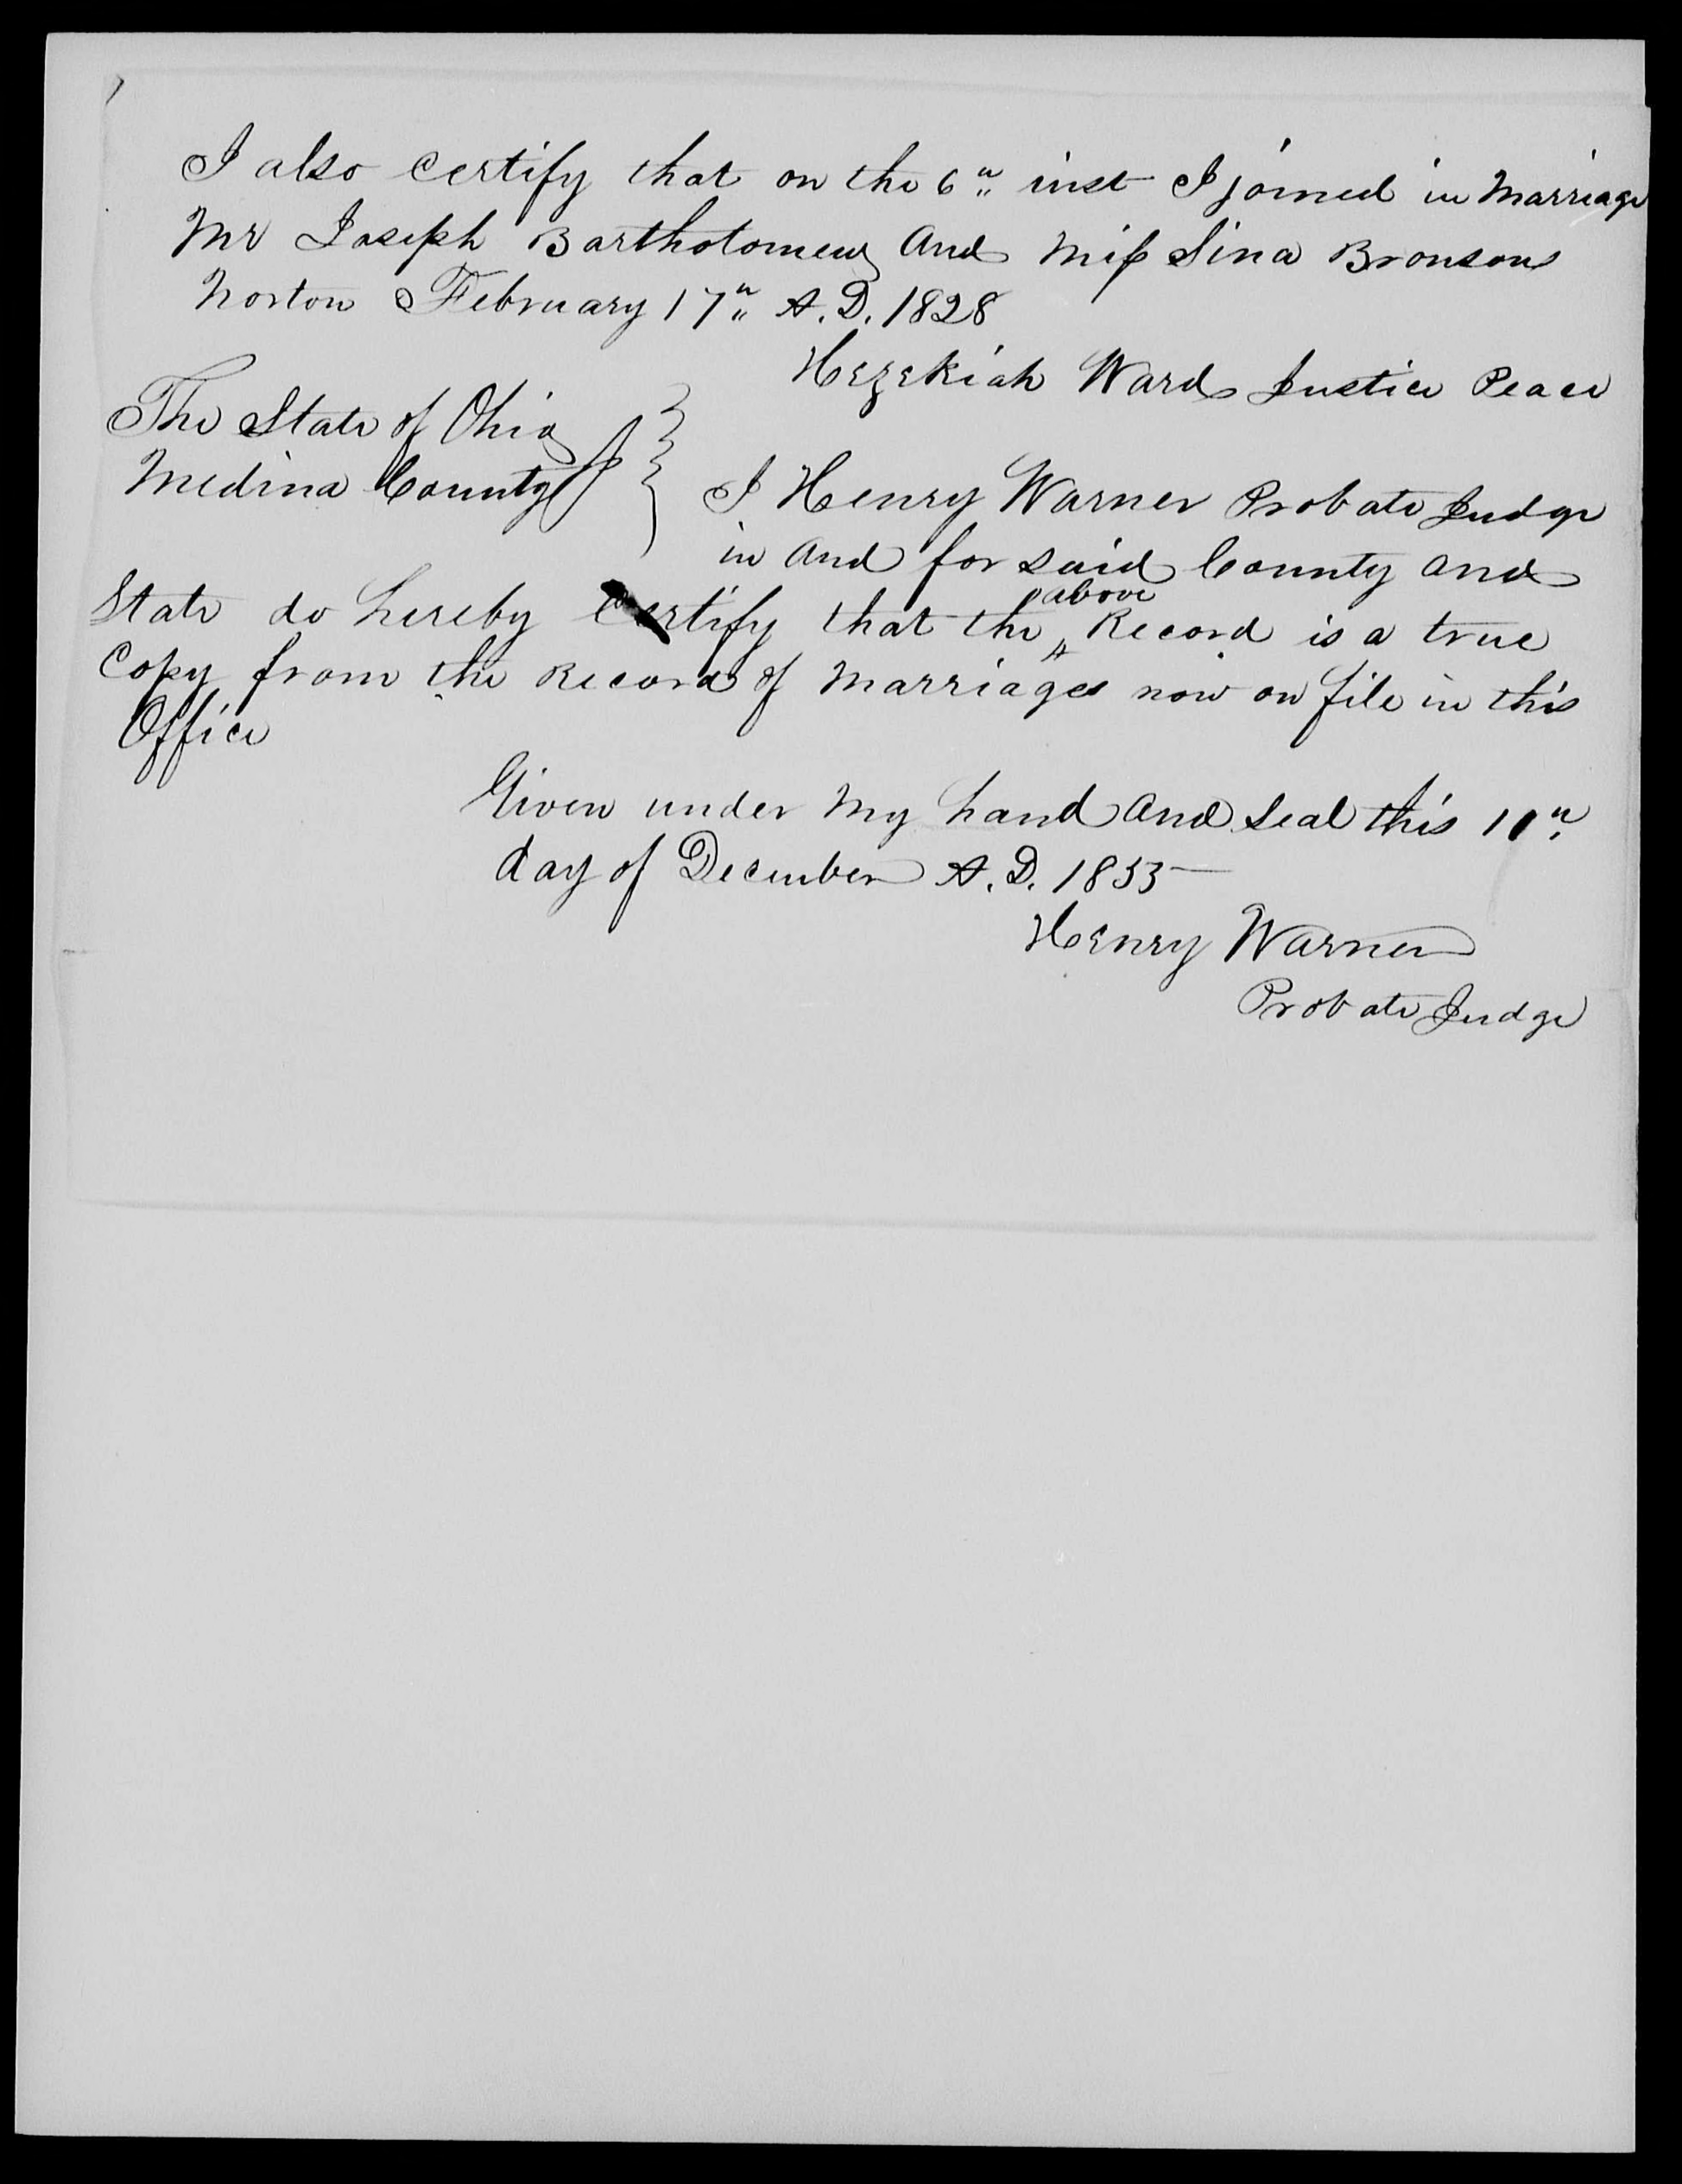I also certify that on the 6th inst I joined in Marriage Mr Joseph Bartholomew and Miss Sina Bronson Norton February 17th A.D. 1828

Hezekiah Ward Justice Peace

The State of Ohio
Medina County ss]

I Henry Warner Probate Judge in and for said county and State do hereby certify that the above Record is a true copy from the Record of Marriages now on file in this Office.

Given under my hand and seal this 10th
day of December A.D. 1853 -

Henry Warner
Probate Judge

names: Henry Warner, Hezekiah Ward, Joseph Bartholomew, Sina Bronsons, Henry Warner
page: 7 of 76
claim: widow's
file: W. 9345, Joseph Bartholomew, Conn.